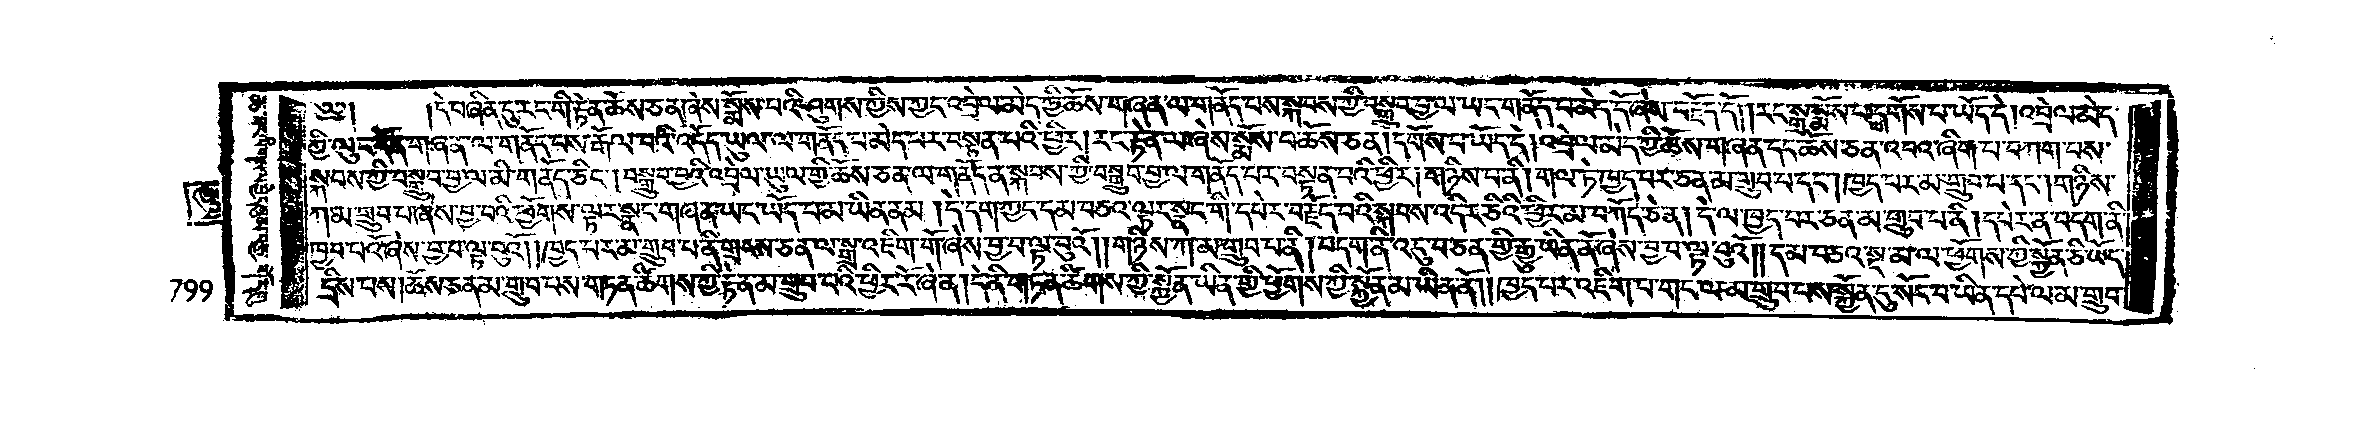༄༅། །དེ་བཞིན་དུ་རང་གི་རྟེན་ཆོས་ཅན་ཞེས་སྨོས་པའི་ཤུགས་ཀྱིས་ཀྱང་འབྲེལ་མེད་ཀྱི་ཆོས་གཞན་ལ་གནོད་པས་སྐབས་ཀྱི་བསྒྲུབ་བྱ་ལ་ཡང་གནོད་པ་མེད་དོ་ཞེས་བརྗོད་དོ། །རང་སྒྲ་སྨོས་པ་ལ་དགོས་པ་ཡོད་དེ། འབྲེལ་མེད་
ཀྱི་ལུང་དོན་གཞན་ལ་གནོད་པས་རྒོལ་བའི་འདོད་ཡུལ་ལ་གནོད་པ་མེད་པར་བསྟན་པའི་ཕྱིར། རང་རྟེན་ལ་ཞེས་སྨོས་པ་ཆོས་ཅན། དགོས་པ་ཡོད་དོ། འབྲེལ་མེད་ཀྱི་ཆོས་གཞན་དང་ཆོས་ཅན་འབའ་ཞིག་པ་བཀག་པས་
སྐབས་ཀྱི་བསྒྲུབ་བྱ་ལ་མི་གནོད་ཅིང་། བསྒྲུབ་བྱའི་འབྲེལ་ཡུལ་གྱི་ཆོས་ཅན་ལ་གནོད་ན་སྐབས་ཀྱི་བསྒྲུབ་བྱ་ལ་གནོད་པར་བསྟན་པའི་ཕྱིར། གཉིས་པ་ནི། གལ་ཏེ་ཁྱད་པར་ཅན་མ་གྲུབ་པ་དང་། ཁྱད་པར་མ་གྲུབ་པ་དང་། གཉིས་
ཀ་མ་གྲུབ་པ་ཞེས་བྱ་བའི་ཕྱོགས་ལྟར་སྣང་གཞན་ཡང་ཡོད་པ་མ་ཡིན་ནམ། དེ་དག་ཀྱང་དམ་བཅའ་ལྟར་སྣང་གི་དཔེར་བརྗོད་པའི་སྐབས་འདིར་ཅིའི་ཕྱིར་མ་བཀོད་ཅེ་ན། དེ་ལ་ཁྱད་པར་ཅན་མ་གྲུབ་པ་ནི། དཔེར་ན་བདག་ནི་
ཁྱབ་པའོ་ཞེས་བྱ་བ་ལྟ་བུའོ། །ཁྱད་པར་མ་གྲུབ་པ་ནི་གྲངས་ཅན་ལ་སྒྲ་འཇིག་གོ་ཞེས་བྱ་བ་ལྟ་བུའོ། །གཉིས་ཀ་མ་གྲུབ་པ་ནི། བདག་ནི་འདུ་བ་ཅན་གྱི་རྒྱུ་ཡིན་ནོ་ཞེས་བྱ་བ་ལྟ་བུའོ། །དམ་བཅའ་སྔ་མ་ལ་ཕྱོགས་ཀྱི་སྐྱོན་ཅི་ཡོད་
དྲིས་པས། ཆོས་ཅན་མ་གྲུབ་པས་གཏན་ཚིགས་ཀྱི་རྟེན་མ་གྲུབ་པའི་ཕྱིར་རོ་ཞེ་ན། དེ་ནི་གཏན་ཚིགས་ཀྱི་སྐྱོན་ཡིན་གྱི་ཕྱོགས་ཀྱི་སྐྱོན་མ་ཡིན་ནོ། །ཁྱད་པར་འཇིག་པ་གང་ལ་མ་གྲུབ་པས་སྐྱོན་དུ་སོང་བ་ཡིན་དཔེ་ལམ་གྲུབ་